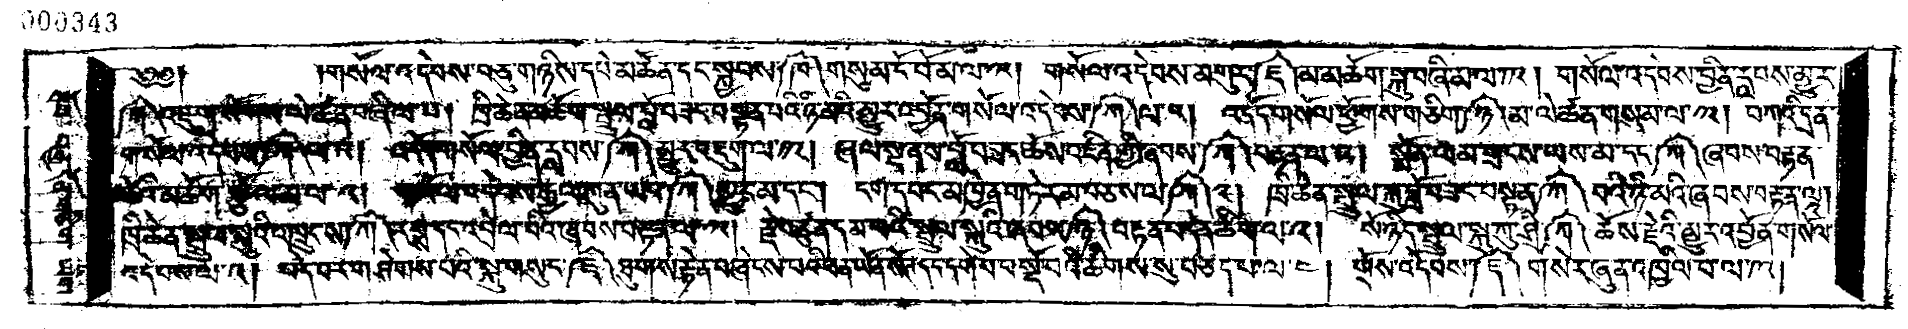༄༅། །གསོལ་འདེབས་བཅུ་གཉིས་དཔེ་མཚོན་དང་སྐྱབས ༼ཁ༽ གསུམ་ངོ་བོ་མ་ལ ༡༢། གསོལ་འདེབས་མགུར ༼ཇ༽ མ་མཆོག་སྐུ་བཞི་མ་ལ ༣། གསོལ་འདེབས་བྱིན་རླབས་མྱུར་
༼ཀ༽ འཇུག་སོགས་ལེ་ཚན་བཞི་ལ ༥། ཁྲི་ཆེན་མཆོག་སྤྲུལ་བློ་བཟང་བསྟན་པའི་ཉི་མའི་མྱུར་འབྱོན་གསོལ་འདེབས ༼ཀ༽ ལ ༢། འདོད་གསོལ་ཕྱོགས་གཅིག ༼ཉ༽ མ་ལེ་ཚན་གསུམ་ལ ༣། བཀའ་དྲིན་
གསོལ་འདེབས ༼ཀ༽ ལ ༢། འདོད་གསོལ་བྱིན་རླབས ༼ཀ༽ མྱུར་འཇུག་ལ ༡༢། ཞལ་སྔ་ནས་བློ་བཟང་ཆོས་འཛིན་གྱི་ཞབས ༼ཀ༽ བརྟན་ལ ༢། སྨོན་ལམ་གྲངས་ཡས་མ་དང ༼ཀ༽ ཞབས་བརྟན་
ཚེའི་མཆོག་སྩོལ་མ་ལ ༢། གསོལ་འདེབས་རྒྱལ་ཀུན་ཡབ ༼ཀ༽ གྱུར་མ་དང་། ངག་དབང་མཁྱེན་གཏེར་མ་བཅས་ལ ༼ཀ༽ ༢། ཁྲི་ཆེན་སྤྲུལ་སྐུ་བློ་བཟང་བསྟན ༼ཀ༽ པའི་ཉི་མའི་ཞབས་བརྟན་ལ ༢།
ཁྲི་ཆེན་སྤྲུལ་སྐུའི་འཁྲུངས ༼ཀ༽ རབས་དང་འབྲེལ་བའི་ཞབས་བརྟན་ལ ༡༢། རྗེ་བཙུན་དམ་པའི་སྤྲུལ་སྐུའི་ཞབས ༼ཉ༽ བརྟན་བདེན་ཚིག་ལ ༢། སོ་ཉིད་སྤྲུལ་སྐུ་ཀུ་ཤྲི ༼ཀ༽ ཆོས་རྗེའི་མྱུར་འབྱོན་གསོལ་
འདེབས་ལ ༢། བདེ་བར་གཤེགས་པའི་སྐུ་གསུང ༼ཇ༽ ཐུགས་རྟེན་བཞེངས་པའི་ཕན་ཡོན་སོཌ་དང་དགེ་བ་བསྔོ་བའི་ཚིགས་སུ་བཅད་པ་ལ ༤། གྲོས་འདེབས ༼ཇ༽ གསེར་ཞུན་འཁྱིལ་བ་ལ ༡༢།